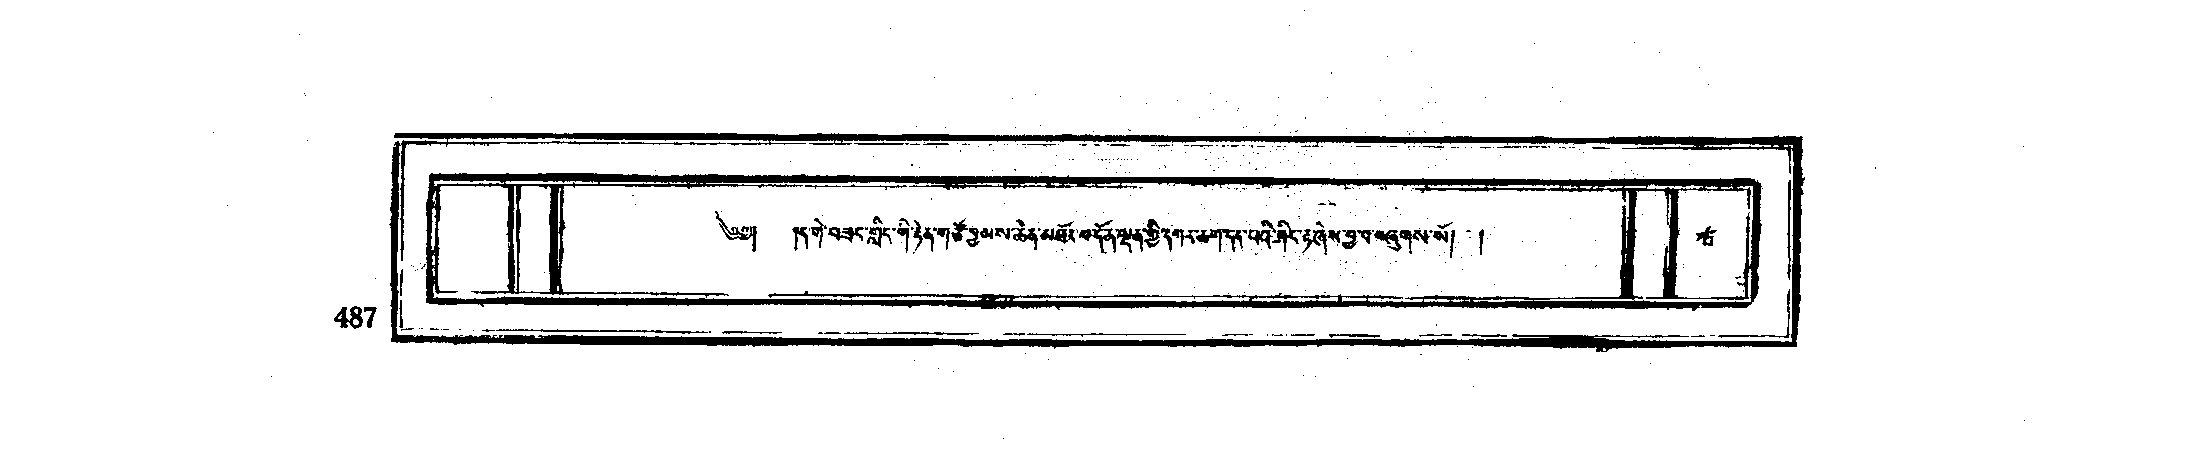༄༅། །དགེ་བཟང་གླིང་གི་རྟེན་གཙོ་བྱམས་ཆེན་མཐོང་བ་དོན་ལྡན་གྱི་དཀར་ཆག་དད་པའི་ཤིང་རྟ་ཞེས་བྱ་བ་བཞུགས་སོ། །